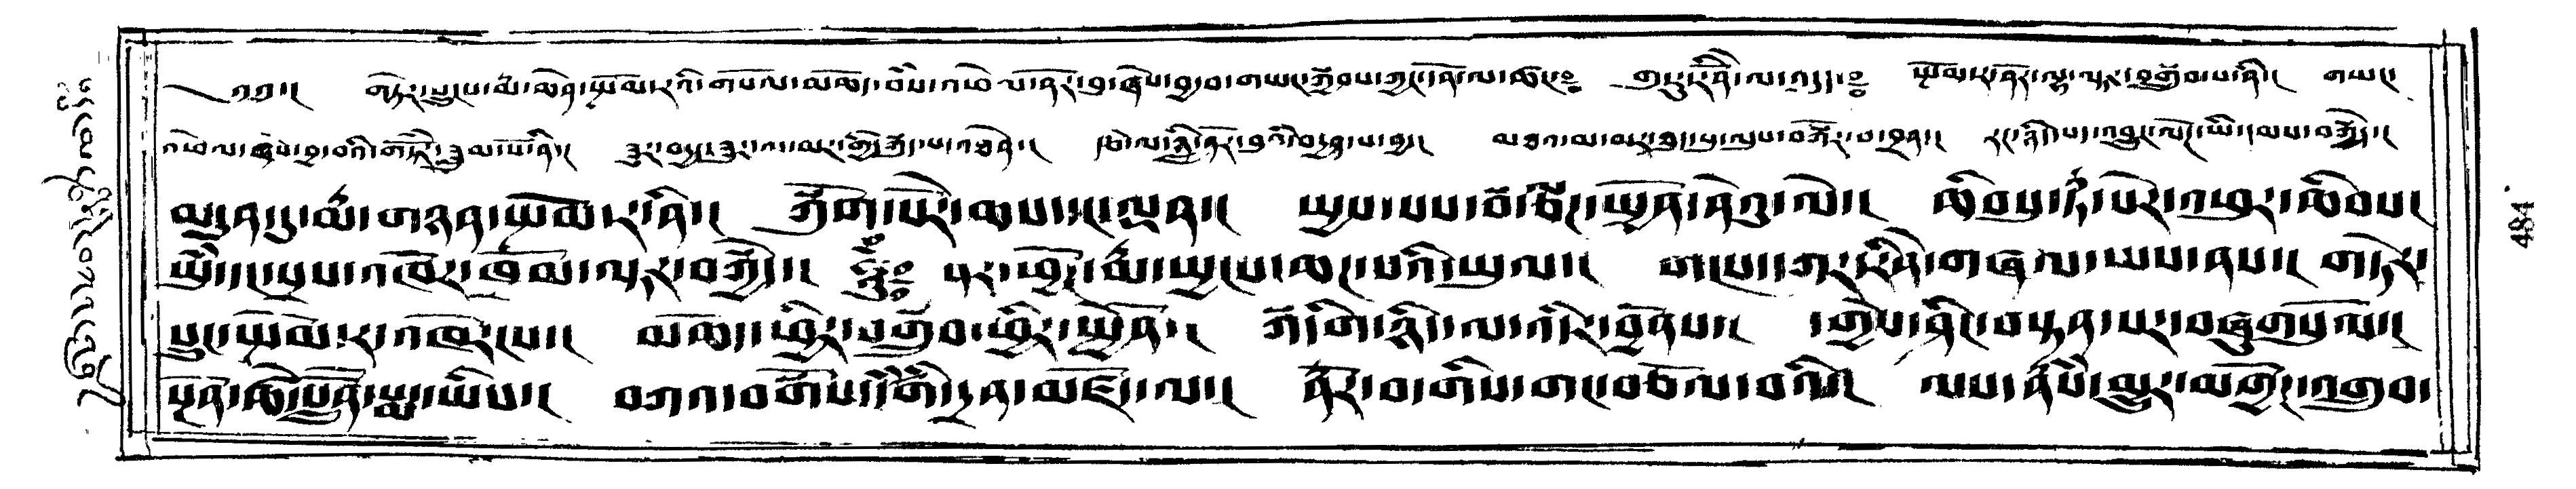གཏེར་སྲུང་རྨ་ཆེན་སྤོམ་རའི་གསོལ་མཆོད་བསམ་འཕེལ་ནོར་བུ་ཞེས་བྱ་བ་གཡང་སྐྱབས་ཀྱང་དོན་ལ་ཚང་། གུ་རུ་རིན་པོ་ཆེ་ལ་འདུད། སྤོམ་ར་ནོར་ལྷ་ལྟར་སྒྲུབ་པ་ནི། །གཡང་
འཕེལ་ཞེས་བྱའི་གཏོར་མ་ཟླུམ་པོ་ནི། །ཟུར་བརྒྱད་ཟུར་ལ་མར་གྱི་སྐུད་པ་འཐེན། །རྩེ་ལ་ཉི་ཟླ་ནོར་བུའི་རྒྱན་པར་བྱ། །མཐའ་མ་མར་ཐུད་པུ་ལུས་བསྐོར་བ་བྲན། །རང་ཉིད་པད་འབྱུང་ལ་སོགས་ཡི་དམ་བསྐྱེད། ། 
མདུན་དུ་རྨ་གཉན་སྤོམ་ར་ནི། །སྐུ་མདོག་གསེར་པོ་ཆས་དང་ལྡན། །གཡས་པས་སྦ་ལྕག་གཡོན་ནེའུ་ལེ། །ཆིབས་སུ་རྟ་སེར་འཕུར་ཤེས་བཅིབས། །
ཡུམ་དང་སྲས་འཁོར་ཁྲོམ་ལྟར་བསྐྱེད། ཧཱུྃ། ཤར་ཕྱོགས་རྨ་གཡང་ཆགས་པའི་ཡུལ། །གངས་དཀར་རིན་ཆེན་གཞལ་ཡས་ནས། །གཏེར་
སྲུང་སྤོམ་ར་འཁོར་དང་བཅས། །མཆོད་ཕྱིར་བསྒྲུབ་ཕྱིར་སྤྱན་འདྲེན་ནོ། །སྐད་གཅིག་ཉིད་ལ་འདིར་བྱོན་ནས། །དགྱེས་ཤིང་བསྟན་པར་བཞུགས་སུ་གསོལ། །
སྔོན་ཚེ་སློབ་དཔོན་པདྨ་ཡིས། །བཀའ་བསྒོས་དམ་ཚིག་དྲན་མཛོད་ལ། །རྣལ་འབྱོར་བདག་གིས་གང་བཅོལ་བའི། །ལས་རྣམས་མྱུར་མགྱོགས་འགྲུབ་